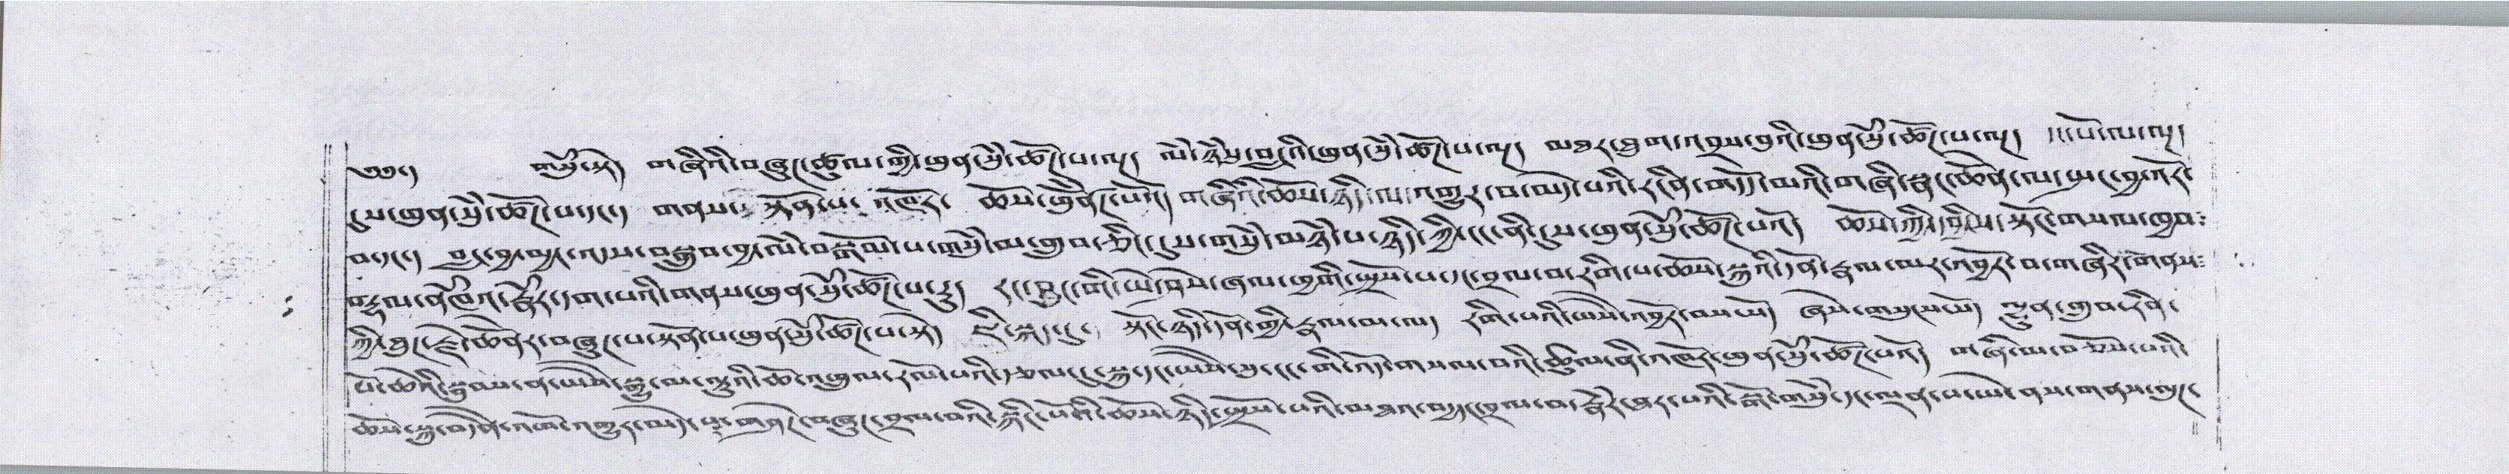གསུམ་སྟེ། གཞིའི་བཞུགས་ཚུལ་གྱི་ཕུན་སུམ་ཚོགས་པ་ལྔ། ལམ་ཉམས་སུ་བླང་བའི་ཕུན་སུམ་ཚོགས་པ་ལྔ། མཐར་ཐུག་འབྲས་བུའི་ཕུན་སུམ་ཚོགས་པ་ལྔ། དང་པོ་ལ་ལྔ། 
དུས་ཕུན་སུམ་ཚོགས་པ་དང། གནས། སྟོན་པ། འཁོར། ཆོས་ཕུན་སུམ་ཚོགས་པའོ། གཞིའི་ཆོས་ཉིད་ལ་འགྱུར་བ་མེད་པའི་རང་བཞིན་གདོད་མའི་གཞི་སྣང་ཆེན་པོ་ལ་སྤང་བྱ་འཁོར་
བ་དང། བླང་བྱ་མྱང་འདས་བསྒྲུབ་བྱ་ལམ་བསྒོམ་པ་གསུམ་མ་གྲུབ་ཅིང་དུས་གསུམ་མཉམ་པ་ཉིད་ཀྱི་ངང་ནི་དུས་ཕུན་སུམ་ཚོགས་པའོ། ཆོས་ཀྱི་དབྱིངས་སྟོང་གསལ་ཁྱབ་
བརྡལ་ནམ་མཁའ་རྣམ་པར་དག་པའི་གནས་ཕུན་སུམ་ཚོགས་པ་རུ། རང་བྱུང་གི་ཡེ་ཤེས་ཞལ་ཕྱག་གི་སྤྲོས་པ་དང་བྲལ་བ་རིག་པ་ཆོས་སྐུའི་དོན་རྣལ་མར་འབྱོར་བ་གཞིར་གནས་
ཀྱི་ཐུགས་རྗེ་ཆེན་པོར་བཞུགས་པ་སྟོན་པ་ཕུན་སུམ་ཚོགས་པ་སྟེ། ཇི་སྐད་དུ། སྟོང་ཉིད་དོན་གྱི་རྣལ་མ་ལ། རིག་པའི་ཡེ་ཤེས་འབྱོར་བས་སོ། ཞེས་གསུངས་སོ། ལྷུན་གྲུབ་རིན་
པོ་ཆེའི་སྦུབས་ན་ཡེ་ཤེས་སྒྱུ་མ་ལྟ་བུའི་ཆོ་འཕྲུལ་རོལ་པའི་རྩལ་དུ་སྐུ་དང་ཡེ་ཤེས་སུ་ངང་གི་འོད་གསལ་བའི་ཚུལ་ནི་འཁོར་ཕུན་སུམ་ཚོགས་པའོ། གཞི་མ་བཅོས་པའི་
ཆོས་སྐུ་བདེ་ཆེན་འགོ་འགྱུར་མེད་པར་གཤེགས་བཞུགས་བྲལ་བའི་སྙིང་པོའི་ཆོས་ཉིད་སྤྲོད་པའི་མཐའ་བརྒྱད་དང་བྲལ་བ་རྣམ་པར་ཐར་པའི་སྒོ་གསུམ་དང་ལྡན་པ་ཡེ་ནས་གནས་ལུགས་